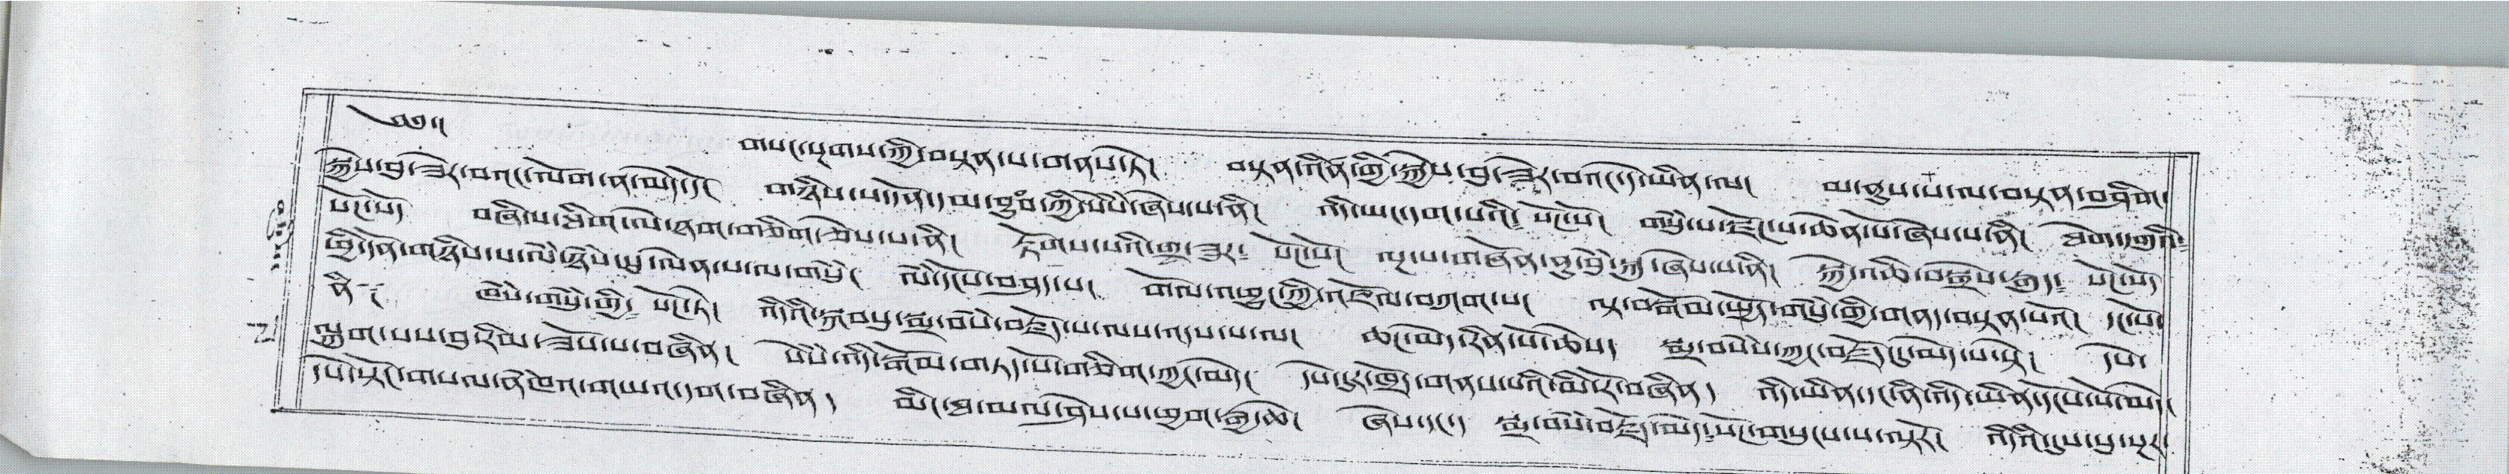གསང་སྔགས་ཀྱི་བསྟན་པ་གནས་ཏེ། བསྟན་འཛིན་གྱི་སྐྱེས་བུ་ཟེར་བའང་དེ་ཡིན་ལ། མ་ནུས་པ་ལ་བསྟན་བཤིགས་ཀྱི་
སྐྱེས་བུ་ཟེར་བའང་ལོགས་ན་མེད་དོ། གཉིས་པ་དོན་དམ་བྱང་ཆུབ་ཀྱི་སེམས་ཞེས་པ་ནི། འདི་ཡང་དག་པའི། སོགས་སོ། གསུམ་པ་རྫོགས་པ་ཆེན་པོ་ཞེས་པ་ནི། ཐེག་དགུའི་
སོགས་སོ། བཞི་པ་ཐིག་ལེ་ཉག་གཅིག་ཅེས་པ་ནི། རྟོགས་པའི་གྲྭ་ཟུར་སོགས་སོ། ལྔ་པ་གཞོན་ནུ་བུམ་སྐུ་ཞེས་པ་ནི། སྐྱེ་འཆི་བགྲེས་རྒུད། སོགས་སོ། 
ཕྱི་དོན་གཉིས་པ་ལམ་ཉམས་སུ་ལེན་པ་ལ་གསུམ། ལམ་དངོས་བཤད་པ། གོལ་འཕྱུགས་ཀྱི་འཛོལ་བཀག་པ། ལྟ་སྒོམ་སྤྱོད་གསུམ་གྱི་གནད་བསྟན་པའོ། དང་པོ་
ནི། ཁམས་གསུམ་གྱི་སོགས་ཏེ། འདིའི་སྐབས་སུ་སྨྲ་བསམ་བརྗོད་པ་ལས་འདས་པ་ལ། ཆགས་མེད་རིན་པོ་ཆེས། སྨྲ་བསམ་ཀྱང་བརྗོད་དུ་མེད་པ་སྟེ། དེས་
ལྐུགས་པས་བུ་རམ་ཟོས་པ་བཞིན། སེམས་འདི་སྒོམ་གཏད་སོ་གཅིག་ཀྱང་མེད། དཔེ་དུར་ཁྲོད་གནས་པའི་མི་རོ་བཞིན། འདི་ཡིན་དང་ནི་འདི་ཡིན་དངོས་པོ་མེད། 
དཔེ་སྟོང་གསལ་ནམ་མཁའ་གཡའ་དག་བཞིན། མི་ཐ་མལ་ཤེས་པ་ཕྱག་རྒྱ་ཆེ། ཞེས་དང་། སྨྲ་བསམ་བརྗོད་མེད། སོགས་གསུངས་པ་ལྟར་རོ། འདིའི་དུས་སུ་སྔར་